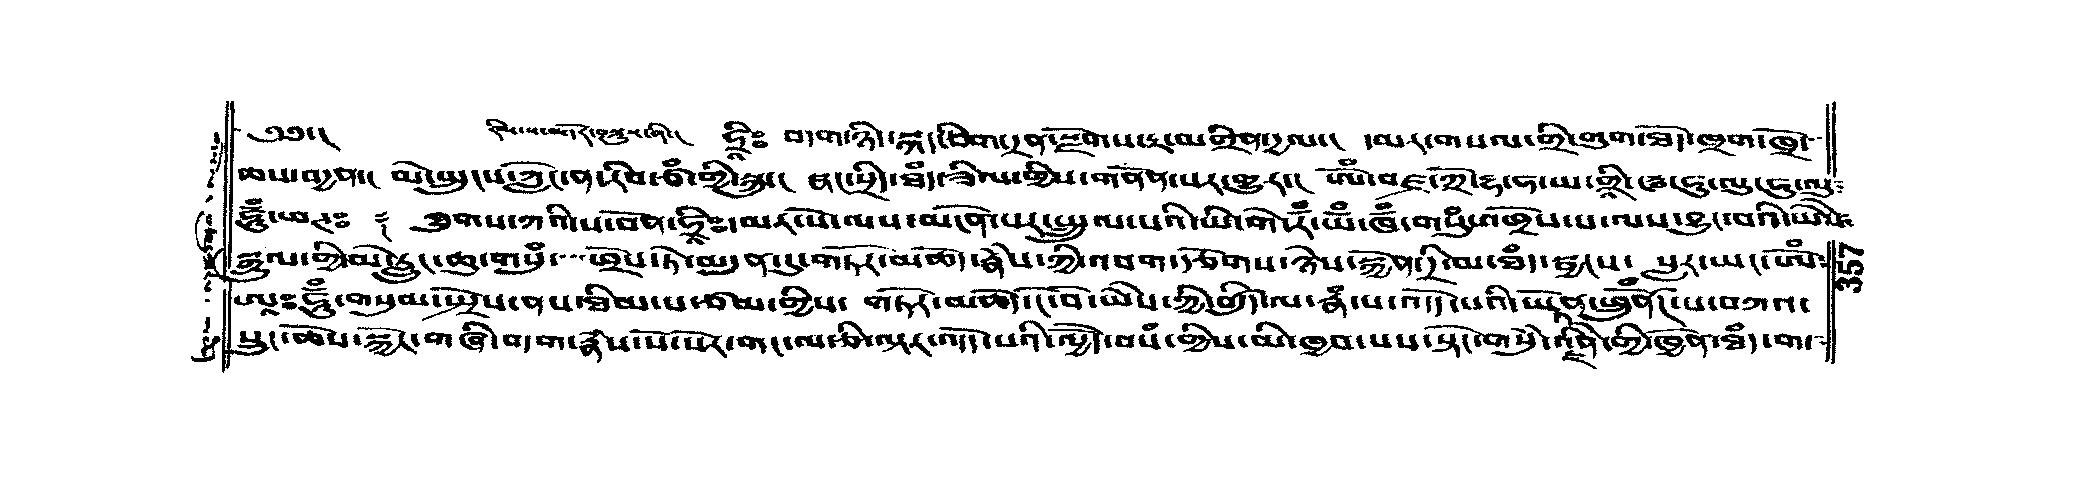རིམ་པ་མདོར་བསྡུས་ནི། ཧྲཱིཿ བདག་ཉིད་སྐད་ཅིག་དྲན་རྫོགས་རྟ་མགྲིན་རྒྱལ། །དམར་གསལ་གྲི་གུག་ཐོད་ཁྲག་ཐོད་ཁྲོ་
ཆས་བརྒྱན། །མེ་སྤུངས་ཀློང་ན་རིབ་ཙམ་སྐུ། །སྣང་སྲིད་ཐམས་ཅད་ཟིལ་གྱིས་གནོན་པར་གྱུར། །ཨོྂ་བཛྲ་ཀྲོ་་དྷ་ཧ་ཡ་གྲཱི་ཝ་ཧུ་ལུ་ཧུ་ལུ་
ཧཱུྂ་ཕཊཿ ༈ ཐུགས་ཀའི་ས་བོན་ཧྲཱིཿདམར་པོ་ལས་མངོན་པར་སྤྲུལ་པའི་ཡི་གེ་རྂ་ཡྂ་ཁྃ་གསུམ་འཕྲོས་པ་ལས་བྱུང་བའི་ཡེ་ཤེས་
སྒྱུ་འཕྲུལ་གྱི་མེ་རླུང་ཆུ་གསུམ་འཕྲོས་ཏེ་མདུན་དུ་གཏོར་མཆོད་རྣམས་ཀྱི་འབག་རྩོགས་ཉེས་སྐྱོན་དྲི་མ་ཐམས་ཅད་སྦྱངས།སླར་ཡང་ཨོྂ་
ཨཱཿཧཱུྂ་གསུམ་སྤྲོས་ནས་ཐིམ་་པ་ཙམ་གྱིས། གཏོར་མཆོད་ངོ་བོ་ཡེ་ཤེས་ཀྱི་བདུད་རྩི་ལ་རྣམ་རྣམ་པ་འདོད་པའི་ཡོན་ཏན་ཕུན་སུམ་ཚོགས་པ་བཀའ་
སྲུང་ཆོས་སྐྱོང་གཞི་བདག་རྣམས་སོ་སོར་གང་ལ་ཅི་ལྟར་འདོད་པའི་ལོངས་སྤྱོད་བསམ་གྱིས་མི་ཁྱབ་པས་སྟོང་གསུམ་འཇིག་རྟེན་གྱི་ཁྱོན་ཐམས་ཅད་གང་